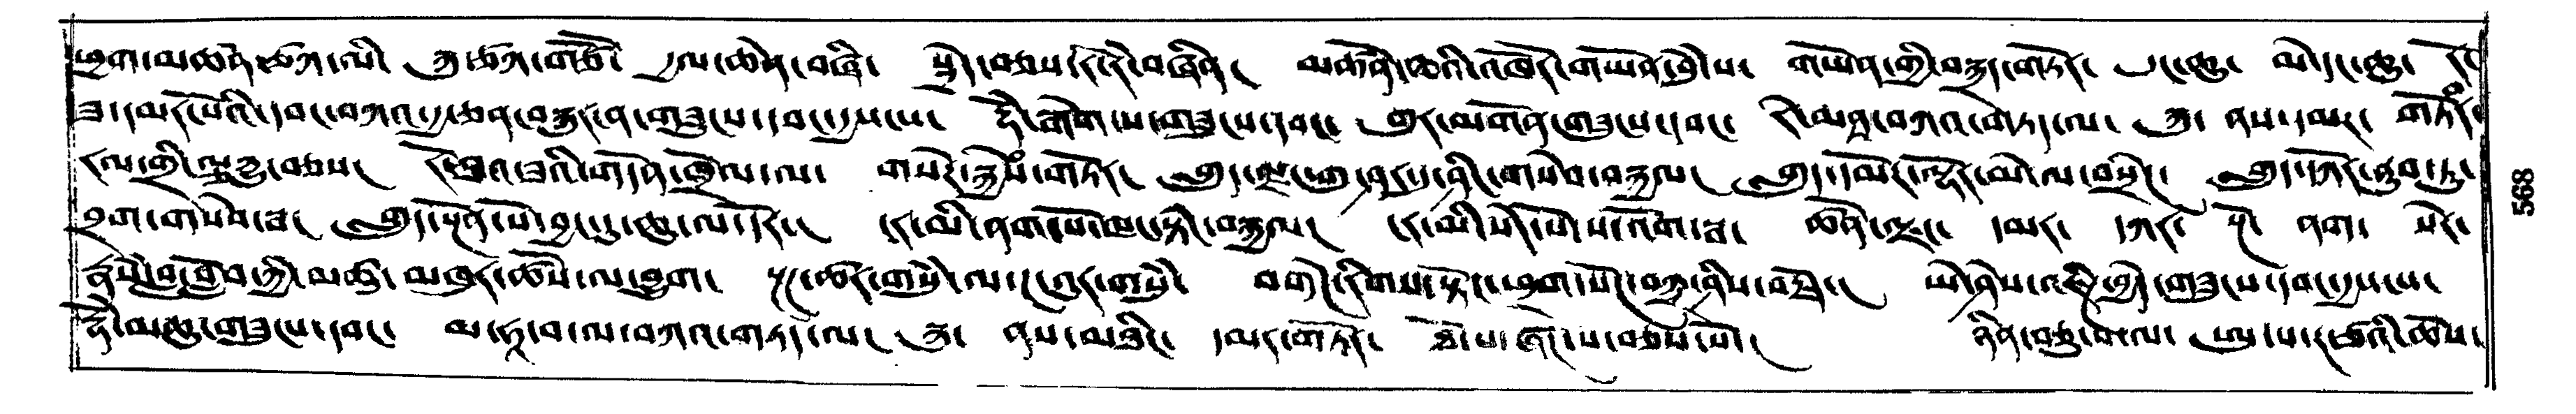ཕྱག་མཚན་ཙཀ་ལི། སྐུ་ཙཀ་གཙོ་བོ། རྒྱལ་ཆེན་བཞི། སྡེ་བརྒྱད་རེ་རེ་བཞིན། མཚོན་ཆའི་འཁོར་ལོ། གཡོན་བུམ་པ། གཡོན་གྱི་བསྐྲད་གཏོར། དུང་ཆུ། མེ་དང་ཆུ། རོ་
ཟ་དམར་པོའི་དབང་བཀའ་རྒྱ་ཅན་བསྐུར་ན་གཟུངས་དབང་རྒྱས་པ། རྡོ་རྗེ་སྒེག་པ་གཟུངས་དབང་། གུར་མགོན་གཟུངས་དབང་། རེ་མནྟ་བཀའ་གཏད་ལ། སྐུ། ནས་དམར། གཏར་མ་
རལ་གྲི་ལྕགས་ཀྱུ་བཅས། རོ་ཟའི་གདོན་ཁྲོལ་ལ། གསེར་སྐྱེམས་གཏོར། གླུད་ལྗང་གུ་ཤར་དུ་ཤིང་གསེབ་བསྐྱལ། གླུད་དམར་པོ་ལྷོད་མེ་ལ་བསྲེག གླུད་དཀར་པོ་ནུབ་ཏུ་
བྲག་གསེབ་སྦ། གླུད་སྔོན་པོ་བྱང་དུ་ཆུ་ལ་དོར། ངར་མི་ནག་པོ་ཁང་སྟེང་བསྐྱལ། ངར་མི་སེར་པོས་འོག་སྦ། ཚོན་ལྗང་། དམར། དཀར། སྔོ། ནག སེར། 
རྣམས་བླ་སློབ་ཀྱི་མཁུར་ཚོས་ལ་བྱུག སྔགས་ཚར་གསུམ་ལ་ཌ་འུར་གསུམ། བགེགས་རིགས་སྟོང་ཕྲག་སོགས་བཀྲ་ཤིས་བརྗོད། ཡེ་ཤེས་འཇིགས་བྱེད་གཟུངས་དབང་རྒྱས་པ། 
རྡོ་རྗེ་མཆུ་གཟུངས་དབང་། མ་ཧཱ་བ་ལ་བཀའ་གཏད་ལ། སྐུ། ནས་མཐིང་། དམར་གཏོར། ཐོ་བ། ཞགས་པ་བཅས་སོ།། ཉིན་བཅུ་པ་ལ། ཨུ་པ་ར་ཙའི་ཆོས་